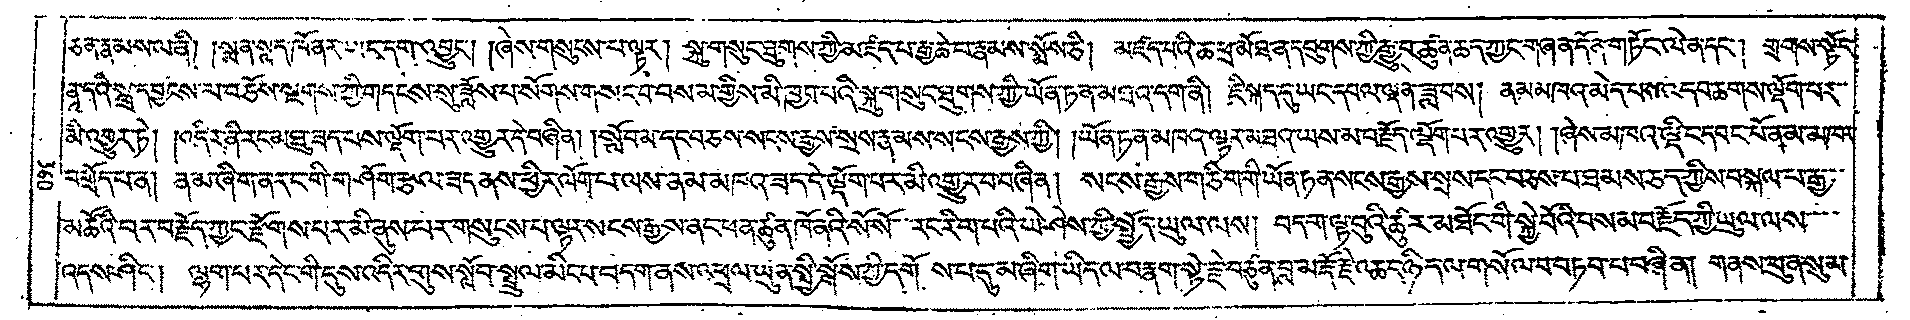ཅན་རྣམས་ལ་ནི། །སྨན་སླད་ཁོ་ནར་ཡང་དག་འབྱུང་། །ཞེས་གསུངས་པ་ལྟར། སྐུ་གསུང་ཐུགས་ཀྱི་མཛད་པ་རྒྱ་ཆེ་བ་རྣམས་སྨོས་ཅི། མཛད་པའི་ཆ་ཕྲ་མོ་ཐ་ན་དབུགས་ཀྱི་རྒྱུ་བ་ཚུན་ཆད་ཀྱང་གཞན་དོན་གཏོང་ལེན་དང་། གྲགས་སྟོང་
ནཱ་དའི་སྒྲ་དབྱངས་མ་བཅོས་སྔགས་ཀྱི་གདངས་སུ་ཟློས་པ་སོགས་གསང་བ་བསམ་གྱིས་མི་ཁྱབ་པའི་སྐུ་གསུང་ཐུགས་ཀྱི་ཡོན་ཏན་མཐའ་དག་ནི། ཇི་སྐད་དུ་ཡང་དཔལ་ལྡན་ཟླ་བས། ནམ་མཁའ་མེད་པས་འདབ་ཆགས་ལྡོག་པར་
མི་འགྱུར་ཏེ། །འདིར་ནི་རང་མཐུ་ཟད་པས་ལྡོག་པར་འགྱུར་དེ་བཞིན། །སློབ་མ་དང་བཅས་སངས་རྒྱས་སྲས་རྣམས་སངས་རྒྱས་ཀྱི། །ཡོན་ཏན་མཁའ་ལྟར་མཐའ་ཡས་མ་བརྗོད་ལྡོག་པར་འགྱུར། །ཞེས་མཁའ་ལྡིང་དབང་པོ་ནམ་མཁར་
བགྲོད་པ་ན། ནམ་ཞིག་ན་རང་གི་གཤོག་རྩལ་ཟད་ནས་ཕྱིར་ལོག་པ་ལས་ནམ་མཁའ་ཟད་དེ་ལྡོག་པར་མི་འགྱུར་བ་བཞིན། སངས་རྒྱས་གཅིག་གི་ཡོན་ཏན་སངས་རྒྱས་སྲས་དང་བཅས་པ་ཐམས་ཅད་ཀྱིས་བསྐལ་པ་རྒྱ་
མཚོའི་བར་བརྗོད་ཀྱང་རྫོགས་པར་མི་ནུས་པར་གསུངས་པ་ལྟར་སངས་རྒྱས་ནང་ཕན་ཚུན་ཁོ་ནའི་སོ་སོ་རང་རིག་པའི་ཡེ་ཤེས་ཀྱི་སྤྱོད་ཡུལ་ལས། བདག་ལྟ་བུའི་ཚུར་མཐོང་གི་སྐྱེ་བོའི་བསམ་བརྗོད་ཀྱི་ཡུལ་ལས་
འདས་ཤིང་། ལྷག་པར་དེང་གི་དུས་འདིར་གུས་སློབ་སྤྲུལ་མིང་པ་བདག་ནས་འཕྲལ་ཡུན་སྤྱི་སྒོས་ཀྱི་དགོས་པ་དུ་མ་ཞིག་ཡིད་ལ་བརྣག་སྟེ་རྗེ་བཙུན་བླ་མ་རྡོ་རྗེ་འཆང་ཉིད་ལ་གསོལ་བ་བཏབ་པ་བཞིན། གནས་ཕུན་སུམ་